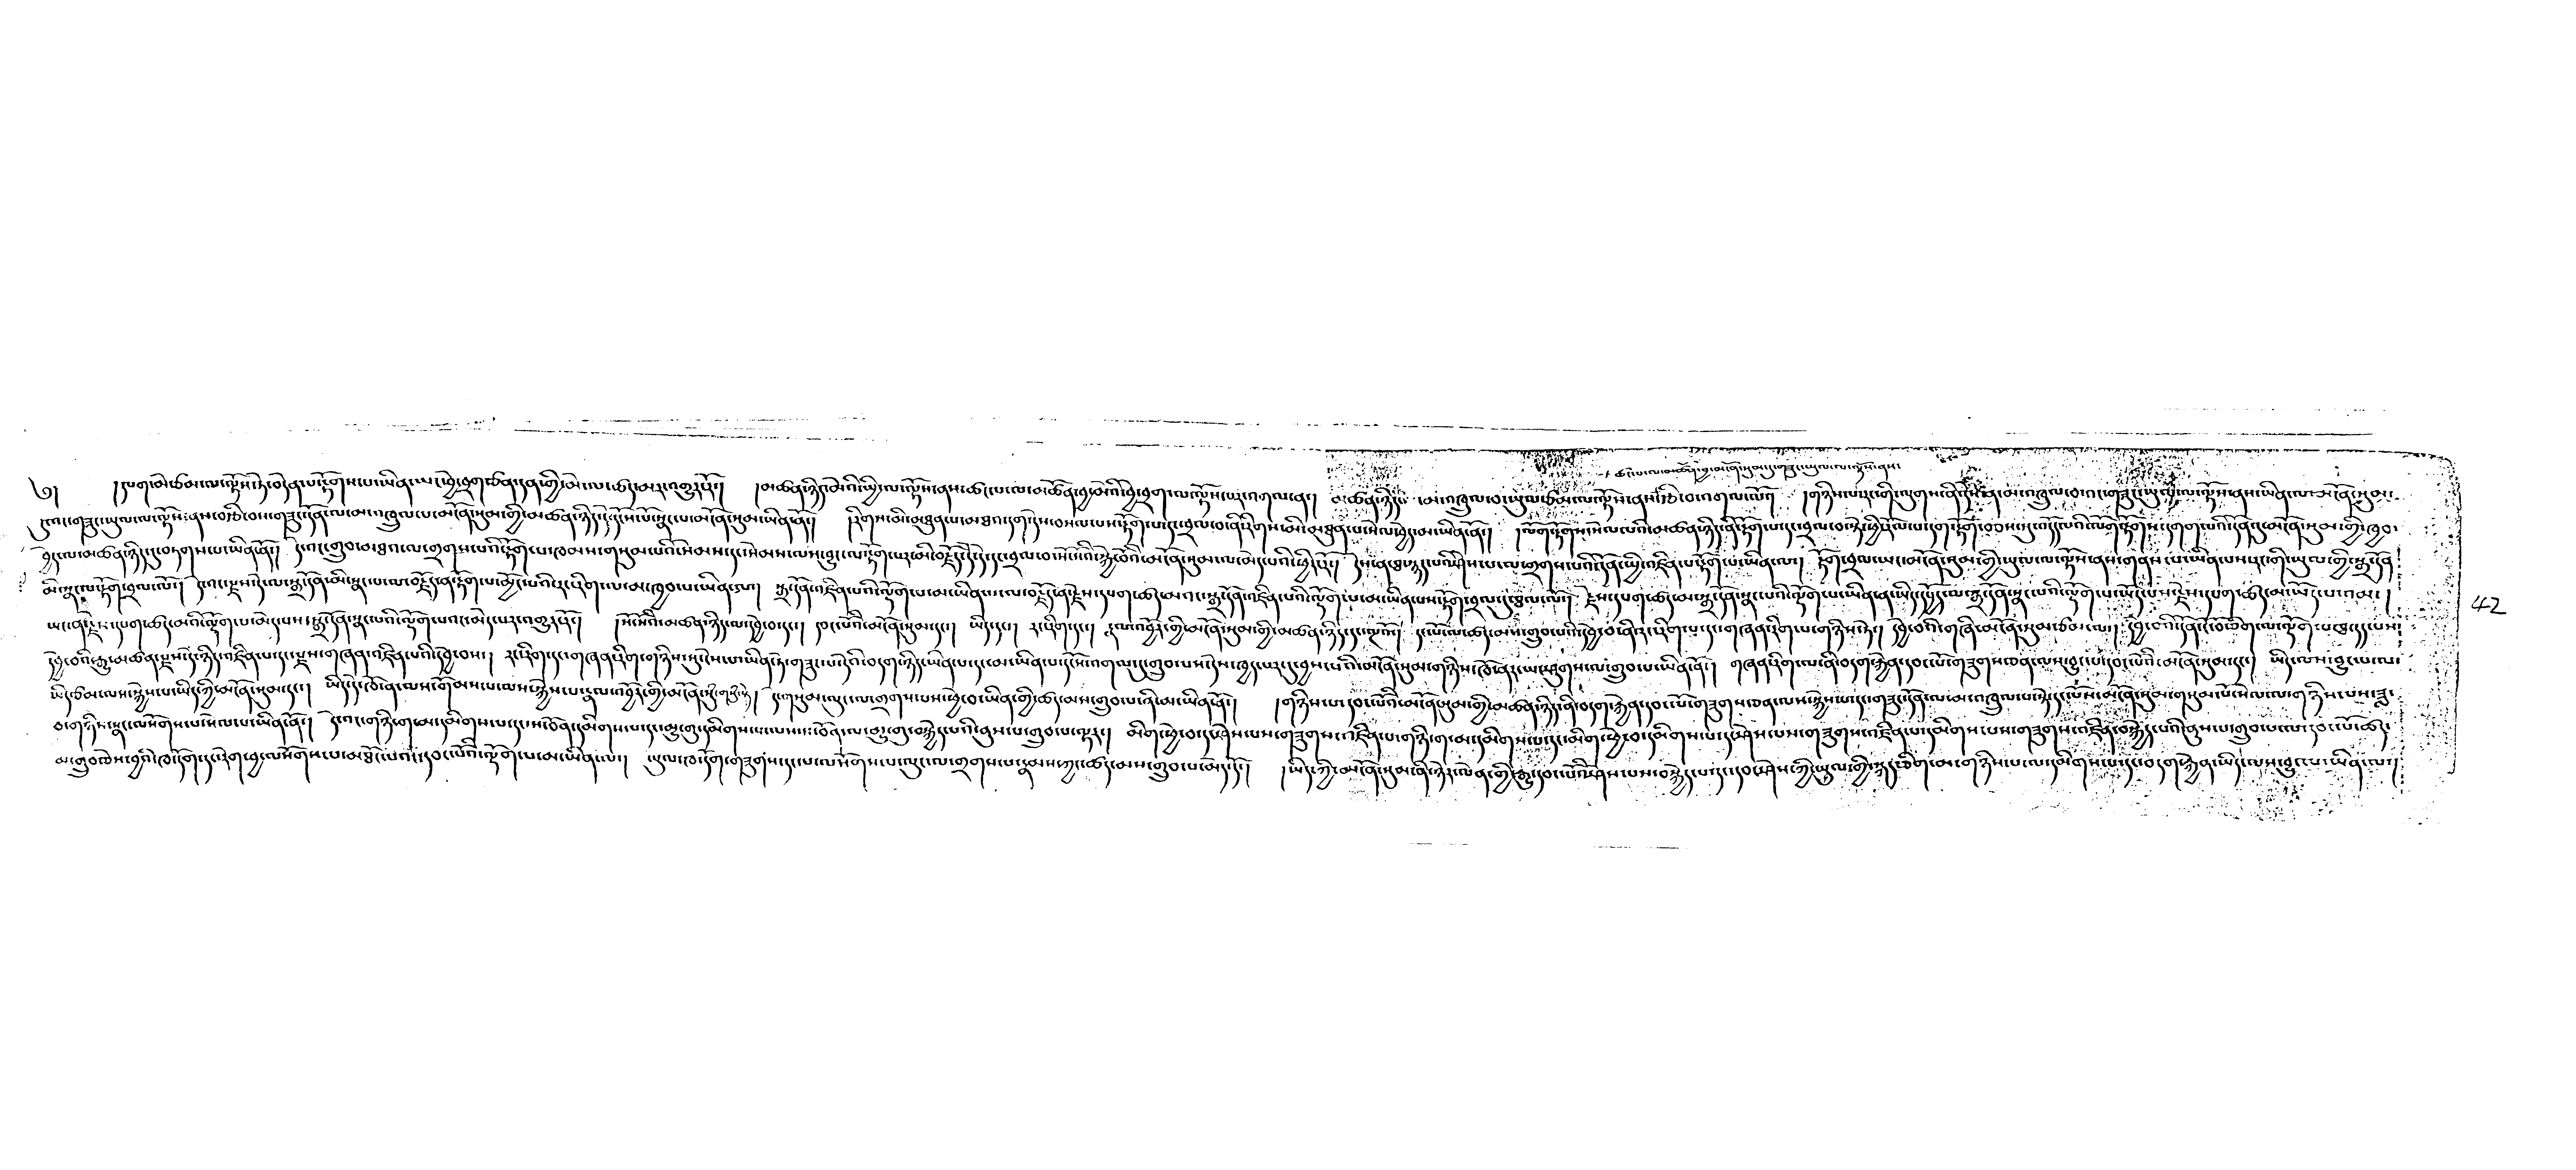༈། །དཔག་མེ་ཙམ་ལ་ལྟོས་ཏེ་བདེན་པ་རྟོགས་པ་ཡིན་ཡང་བྱེ་བྲག་ཙན་དན་གྱི་མེ་ལ་ཚད་མར་འགྱུར་རོ། །མཚན་ཉིད་མེའི་སྤྱི་ལ་ལྟོས་ནས་ཚང་པ་ལ་མཚོན་བྱ་མེའི་བྱེ་བྲག་ལ་ལྟོས་པར་འགལ་ན། མཚན་ཉིད་མ་འཁྲུལ་བ་ཡུལ་ཙམ་ལ་ལྟོས་ནས་ཚང་པ་ལ་མཚོན་བྱ་མངོན་སུམ་དུ་གཟུང་ཡུལ་ལ་ལྟོས་ནས་རྩི་བ་འགལ་ལོ། །གཉིས་པ་རང་གི་ལུགས་ནི་དེས་ན་མ་འཁྲུལ་བ་འང་གཟུང་ཡུལ་ལ་ལྟོས་ནས་ཡིན་ལ་མངོན་སུམ་
དུ་འང་གཟུང་ཡུལ་ལ་ལྟོས་ནས་བརྩི་བས་གཟུང་དོན་ལ་མ་འཁྲུལ་པ་མངོན་སུམ་གྱི་མཚན་ཉིད་དེ་དངོས་པོ་སྣང་པ་མངོན་སུམ་ཡིན་ནོ། །རིགས་མི་མཐུན་པ་མཐའ་དག་དེས་བསལ་པས་རྟོག་པ་དང་བྲལ་བ་ནི་རིགས་མི་མཐུན་པ་སེལ་བྱེད་མ་ཡིན་ནོ། །ལོག་རྟོགས་སེལ་པའི་མཚན་ཉིད་ནི་རྟོག་པ་དང་བྲལ་བ་སྟེ་ཕྱི་རོལ་པ་དག་རྟོག་བཅས་སུ་འདོད་པའི་ལོག་རྟོགས་དགག་པའི་དོན་དུ་མངོན་སུམ་གྱི་ཁྱབ་
བྱེད་ལ་མཚན་ཉིད་དུ་བཏགས་པ་ཡིན་ནོ། དེ་འང་གྲུབ་མཐའ་ལ་གྲགས་པའི་རྟོག་པ་ཁམས་གསུམ་པའི་སེམས་དང་སེམས་ལས་བྱུང་ལ་རྟོག་པར་མི་བརྗོད་དེ་དེ་དང་བྲལ་བ་སོ་སོའི་སྐྱེ་བོའི་མངོན་སུམ་ལ་མེད་པའི་ཕྱིར་རོ། དེས་ན་ཐ་སྙད་པའི་ཤེས་པ་ལ་གྲགས་པའི་དོན་སྤྱི་འཛིན་པ་རྟོག་པ་ཡིན་ལ། རྟོག་བྲལ་ཡང་མངོན་སུམ་གྱི་ཡུལ་ལ་ལྟོས་ནས་གནས་པ་ཡིན་པས་རང་གི་ཡུལ་གྱི་སྒྲ་དོན་
མི་སྣང་པ་རྟོག་བྲལ་ལོ། དེ་འང་རྫས་དེ་ལ་སྒྲ་དོན་མི་སྣང་པ་མ་བརྗོད་ན་རྟོག་པ་མྱོང་པའི་རང་རིག་ལ་མ་ཁྱབ་པ་ཡིན་ལ། སྒྲ་དོན་འཛིན་པའི་ལྟོག་པ་མ་ཡིན་པ་ལ་བརྗོད་ན་རྗེས་དཔག་ཚད་མའང་སྒྲ་དོན་འཛིན་པའི་ལྡོག་པ་མ་ཡིན་པས་རྟོག་བྲལ་དུ་ཐལ་ལོ། རྗེས་དཔག་ཚད་མ་སྒྲ་དོན་སྣང་པའི་ལྡོག་པ་ཡིན་ན་ཡིད་དཔྱོད་མ་སྒྲ་དོན་སྣང་པའི་ལྡོག་པ་ཡོད་པས་རྗེས་དཔག་ཚད་མ་ཡོད་པ་འམ།
ཡང་ན་རྗེས་དཔག་ཚད་མའི་ལྡོག་པ་མེད་པས་སྒྲ་དོན་སྣང་པའི་ལྡོག་པའང་མེད་པར་འགྱུར་རོ། །སོ་སོའི་མཚན་ཉིད་མ་དབྱེ་བ་དང་། དབང་པོའི་མངོན་སུམ་དང་། ཡིད་དང་། རང་རིག་དང་། རྣལ་འབྱོར་གྱི་མངོན་སུམ་གྱི་མཚན་ཉིད་དང་ལྔའོ། དང་པོ་ལ་ཚད་མས་གྲུབ་པའི་དབྱེ་བ་ནི་རང་རིག་པ་དང་གཞན་རིག་པ་གཉིས་ཏེ། དབྱེ་བའི་གཞི་མངོན་སུམ་ཙམ་ལ། དབྱེ་བའི་དོན་ངོ་བོ་ཅིག་ལ་ལྡོག་པ་ཐ་དད་པས་
དབྱེ་བའི་རྒྱུ་མཚན་རྫས་དེ་ཉིད་འཛིན་པ་དང་རྫས་གཞན་འཛིན་པའི་དབྱེ་བས། རང་རིག་དང་གཞན་རིག་གཉིས་སུ་ངེས་པ་ཡིན་ཏེ་གཟུང་པ་དེའི་བདག་ཉིད་ཡིན་པ་དང་མ་ཡིན་པ་དངོས་འགལ་དུ་གྲུབ་པས་དེས་ཁྱད་པར་དུ་བྱས་པའི་མངོན་སུམ་གཉིས་ཁོ་ནར་ཡང་ཤུགས་ལ་གྲུབ་པ་ཡིན་ནོ། གཞན་རིག་ལ་ནི་བདག་རྐྱེན་དབང་པོ་གཟུགས་ཅན་ལས་བྱུང་པ་དབང་པོའི་མངོན་སུམ་དང་། ཡིད་ལས་བྱུང་པ་ལ་
ཡིད་ཙམ་ལས་སྐྱེས་པ་ཡིད་ཀྱི་མངོན་སུམ་དང་། ཡིད་དེ་ཁོ་ན་ལས་གོམས་པ་མས་སྐྱེས་པ་རྣལ་འབྱོར་གྱི་མངོན་སུམ་གསུམ་སྟེ། དེ་གསུམ་ལུང་ལ་གྲགས་པས་ཕྱེ་བ་ཡིན་གྱི་ཚད་མས་གྲུབ་པ་ནི་མ་ཡིན་ནོ། །གཉིས་པ་དབང་པོའི་མངོན་སུམ་གྱི་མཚན་ཉིད་ནི་བདག་རྐྱེན་དབང་པོ་གཟུགས་ཅན་ལས་སྐྱེས་པ་དང་གཟུང་དོན་ལ་མ་འཁྲུལ་པ་སྟེ་དང་པོས་མངོན་སུམ་གསུམ་པོ་སེལ་ལ་གཉིས་པས་ཟླ་
བ་གཉིས་སྣང་ལ་སོགས་པ་སེལ་པ་ཡིན་ནོ། དེ་འང་གཉི་ག་མ་དམིགས་པ་དང་ས་བོན་དམིགས་པ་དང་མྱུ་གུ་དམིགས་པ་ལས་ས་བོན་ལ་མྱུ་གུ་བསྐྱེད་པའི་ནུས་པ་གྲུབ་པ་ལྟར། མིག་ཕྱེ་བ་དང་ཤེས་པས་གཟུགས་འཛིན་པ་གཉི་ག་མ་དམིགས་པ་དང་མིག་ཕྱེ་བ་དམིགས་པ་དང་ཤེས་པས་གཟུགས་འཛིན་པ་དམིགས་པས་གཟུགས་འཛིན་བསྐྱེད་པའི་ནུས་པ་གྲུབ་པ་ལ་དབང་པོ་ཚད་
མ་གྲུབ་ཅེས་བྱའི་ཁ་དོག་དང་རེག་བྱ་ལ་སོགས་པ་མཐོང་པའང་དབང་པོའི་ལྡོག་པ་མ་ཡིན་ལ། ཡུལ་ཁ་དོག་གཟུགས་དང་པ་ལ་སོགས་པ་ལུང་ལ་གྲགས་པ་རྣམས་ཀྱང་ཚད་མས་གྲུབ་པ་མེད་དོ། །ཡིད་ཀྱི་མངོན་སུམ་ནི་ཉེར་ལེན་གྱི་རྒྱུ་དབང་པོའི་ཤེས་པས་བསྐྱེད་པ་དང་དབང་ཤེས་ཀྱི་ཡུལ་གྱི་སྐད་ཅིག་མ་གཉིས་པ་ལ་དམིགས་པ་དང་བདག་རྐྱེན་ཡིད་ལས་བྱུང་པ་ཡིན་ལ།